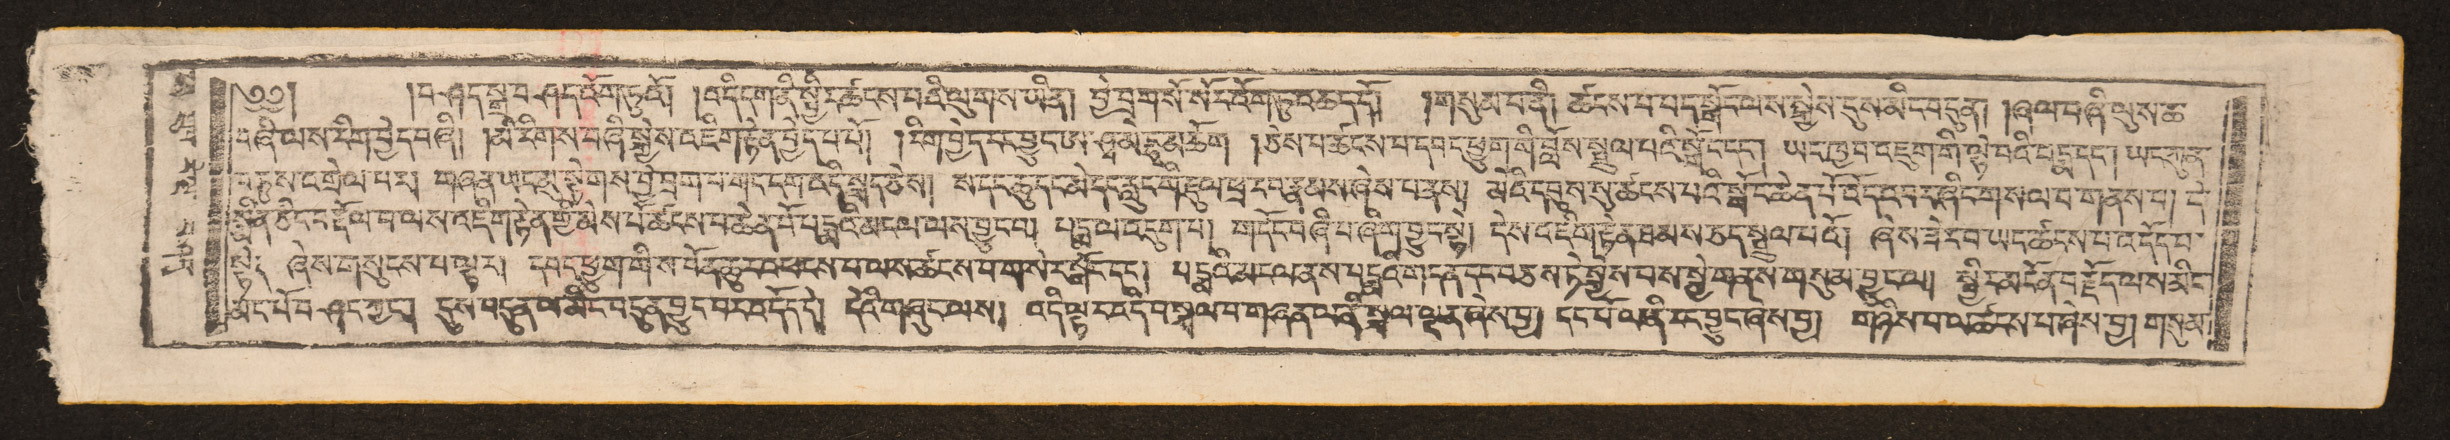༄༅། །བཤད་སྒྲ་བཤད་འོག་ཏུའོ། །འདི་དག་ནི་སྤྱིར་ཚངས་པའི་ལུགས་ཡིན། བྱེ་བྲག་སོ་སོར་འོག་ཏུ་འཆད་དོ། །གསུམ་པ་ནི། ཚངས་པ་པད་སྒོང་ལས་སྐྱེས་དུས་མིང་བདུན། །ཞལ་བཞི་ལུས་ཆ་
བཞི་ལས་རིག་བྱེད་བཞི། །མི་རིགས་བཞི་སྒྱེས་འཇིག་རྟེན་བྱེད་པ་པོ། །རིག་བྱེད་དང་བྱུང་ཨ་ཤྭ་མེ་དྷྭ་མཆོག །ཅེས་པ་ཚངས་པ་དབང་ཕྱུག་གི་བློས་སྦྲུལ་པའི་སྒོང་དང་། ཡང་ཁྱབ་འཇུག་གི་ལྟེ་བའི་པདམ་དང་། ཡང་ཀུན་
བཏུས་འགྲེལ་བར། གཞན་ཡང་མུ་སྟེགས་བྱེ་བྲག་པ་གང་དག་འདི་སྐད་ཅེས། ས་དང་ཆུ་དང་མེ་དང་རླུང་གི་རྡུལ་ཕྲ་རབ་རྣམས་ཞེས་པ་ནས། མེའི་དབུས་སུ་ཚངས་པའི་སྒོ་ང་ཆེན་པོ་འོད་འབར་ཞིང་གསལ་བ་གནས་པ། དེ་
སྨིན་ཅིང་བརྡོལ་བ་ལས་འཇིག་རྟེན་གྱི་མེས་པོ་ཚངས་པ་ཆེན་པོ་པདམའི་མངལ་ལས་བྱུང་བ། པདམ་ལ་འདུག་པ། གདོང་བཞི་པ་ཞིག་བྱུང་སྟེ། དེས་འཇིག་རྟེན་ཐམས་ཅད་སྦྲུལ་པའོ། ཞེས་ཟེར་བ་ཡང་ཚངས་བ་འདོད་པ་
སྟེ༑ ཞེས་གསུངས་པ་ལྟར། དབང་ཕྱུག་གི་ས་བོན་ཆུང་འཕངས་པ་ལས་ཚངས་པ་གསེར་སྒོང་དང་། པདམའི་མངལ་ནས་པདམའི་གདན་དང་བཅས་ཏེ་སྐྱེས་པས་སྐྱེ་གནས་གསུམ་བྱུང་ལ། སྦྱིར་མངོན་བརྗོད་ལས་མིང་
མང་པོ་བཤད་ཀྱང་། དུས་བདུན་ལ་མིང་བདུན་བྱུང་བར་འདོད་དེ། དེའི་གཞུང་ལས། འདི་ལྟར་འདི་བསྐལ་པ་གཞན་ལ་ནི་སྐལ་ལྡན་ཞེས་བྱ། དང་པོ་ལ་ནི་རང་བྱུང་ཞེས་བྱ། གཉིས་པ་ལ་ཚངས་པ་ཞེས་བྱ། གསུམ་